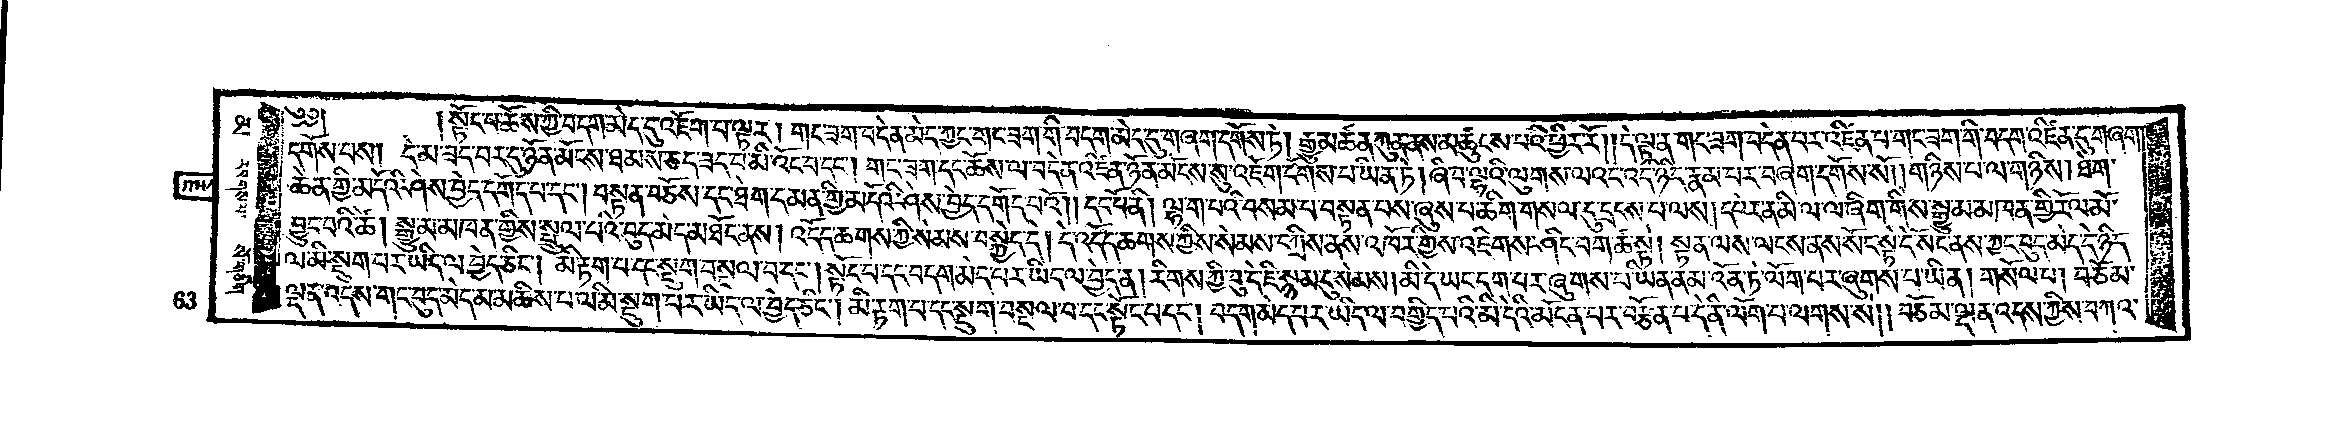༄༅། །སྟོང་པ་ཆོས་ཀྱི་བདག་མེད་དུ་འཇོག་པ་ལྟར། གང་ཟག་བདེན་མེད་ཀྱང་གང་ཟག་གི་བདག་མེད་དུ་གཞག་དགོས་ཏེ། རྒྱུ་མཚན་ཀུན་ནས་མཚུངས་པའི་ཕྱིར་རོ། །དེ་ལྟ་ན་གང་ཟག་བདེན་པར་འཛིན་པ་གང་ཟག་གི་བདག་འཛིན་དུ་གཞག་
དགོས་པས། དེ་མ་ཟད་བར་དུ་ཉོན་མོངས་ཐམས་ཅད་ཟད་པ་མི་འོང་བ་དང་། གང་ཟག་དང་ཆོས་ལ་བདེན་འཛིན་ཉོན་མོངས་སུ་འཇོག་དགོས་པ་ཡིན་ཏེ། ཞི་བ་ལྷའི་ལུགས་ལའང་འདི་ཉིད་རྣམ་པར་བཞག་དགོས་སོ། །གཉིས་པ་ལ་གཉིས། ཐེག་
ཆེན་གྱི་མདོའི་ཤེས་བྱེད་དགོད་པ་དང་། བསྟན་བཅོས་དང་ཐེག་དམན་གྱི་མདོའི་ཤེས་བྱེད་དགོད་པའོ། །དང་པོ་ནི། ལྷག་པའི་བསམ་པ་བསྟན་པས་ཞུས་པ་ཚིག་གསལ་དུ་དྲངས་པ་ལས། དཔེར་ན་མི་ལ་ལ་ཞིག་གིས་སྒྱུ་མ་མཁན་གྱི་རོལ་མོ་
བྱུང་བའི་ཚེ། སྒྱུ་མ་མཁན་གྱིས་སྤྲུལ་པའི་བུད་མེད་མཐོང་ནས། འདོད་ཆགས་ཀྱི་སེམས་བསྐྱེད་དེ། དེ་འདོད་ཆགས་ཀྱིས་སེམས་བཀྲིས་ནས་འཁོར་གྱིས་འཇིགས་ཤིང་བག་ཚ་སྟེ། སྟན་ལས་ལངས་ནས་སོང་སྟེ་དེ་སོང་ནས་ཀྱང་བུད་མེད་དེ་ཉིད་
ལ་མི་སྡུག་པར་ཡིད་ལ་བྱེད་ཅིང་། མི་རྟག་པ་དང་སྡུག་བསྔལ་བ་དང་། སྟོང་པ་དང་བདག་མེད་པར་ཡིད་ལ་བྱེད་ན། རིགས་ཀྱི་བུ་དེ་ཇི་སྙམ་དུ་སེམས། མི་དེ་ཡང་དག་པར་ཞུགས་པ་ཡིན་ནམ་འོན་ཏེ་ལོག་པར་ཞུགས་པ་ཡིན། གསོལ་པ། བཅོམ་
ལྡན་འདས་གང་བུད་མེད་མ་མཆིས་པ་ལ་མི་སྡུག་པར་ཡིད་ལ་བྱེད་ཅིང་། མི་རྟག་པ་དང་སྡུག་བསྔལ་བ་དང་སྟོང་པ་དང་། བདག་མེད་པར་ཡིད་ལ་བགྱིད་པའི་མི་དེའི་མངོན་པར་བརྩོན་པ་དེ་ནི་ལོག་པ་ལགས་སོ། །བཅོམ་ལྡན་འདས་ཀྱིས་བཀའ་